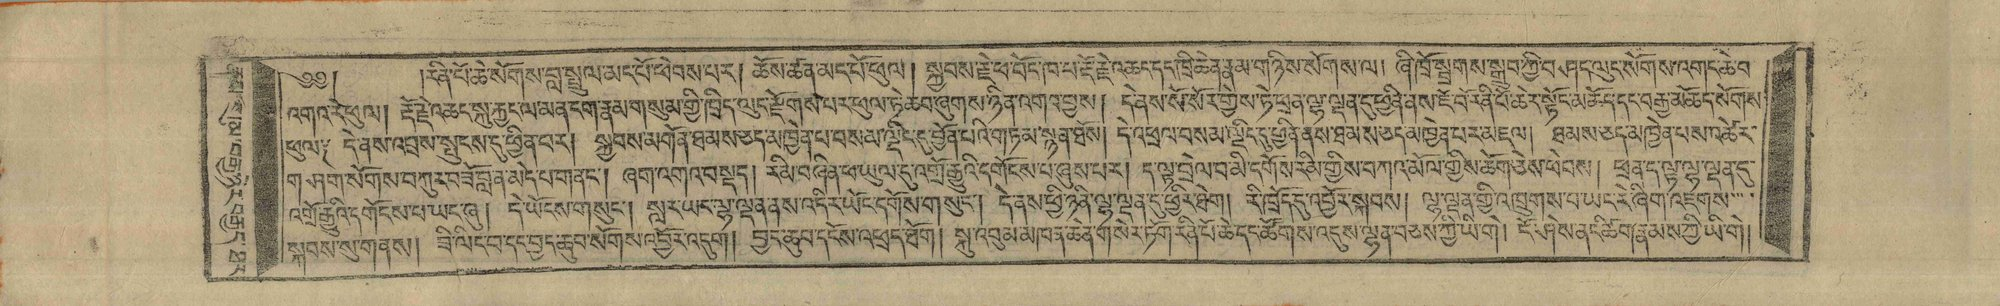༄༅། །རིན་པོ་ཆེ་སོགས་བླ་སྤྲུལ་མང་པོ་ཕེབས་པར། ཆོས་ཚན་མང་པོ་ཕུལ། སྐྱབས་རྗེ་ཕ་བོང་ཁ་པ་རྡོ་རྗེ་འཆང་དང་ཁྲི་ཆེན་རྣམ་གཉིས་སོགས་ལ། ཞི་ཁྲོ་སྦྲགས་སྒྲུབ་ཀྱི་བཤད་ལུང་སོགས་འགང་ཆེ་བ་
འགའ་རེ་ཕུལ། རྡོ་རྗེ་འཆང་སྐུ་རྐྱང་ལ་མན་ངག་རྣམ་གསུམ་གྱི་ཁྲིད་ལུང་རྫོགས་པར་ཕུལ་ཏེ་ཆབ་ཞུགས་ཉིན་འགའ་བྱས། དེ་ནས་སོ་སོར་གྱེས་ཏེ་ཕྲན་ལྷ་ལྡན་དུ་ཕྱིན་ནས་ཇོ་བོ་རིན་པོ་ཆེར་སྟོང་མཆོད་དང་བརྒྱ་མཆོད་སོགས་
ཕུལ། དེ་ནས་འབྲས་སྤུངས་དུ་ཕྱིན་པར། སྐྱབས་མགོན་ཐམས་ཅད་མཁྱེན་པ་བསམ་ལྡིང་དུ་བྱོན་པའི་གཏམ་སྙན་ཐོས། དེ་འཕྲལ་བསམ་ལྡིང་དུ་ཕྱིན་ནས་ཐམས་ཅད་མཁྱེན་པར་མཇལ། ཐམས་ཅད་མཁྱེན་པས་འཚེར་
གཤག་སོགས་བཀུར་བཟོ་བླ་ན་མེད་པ་གནང་། ཞག་འགའ་བསྡད། རིམ་བཞིན་ཕ་ཡུལ་དུ་འགྲོ་རྒྱུའི་དགོངས་པ་ཞུས་པར། ད་ལྟ་བྲེལ་བ་མི་དགོས་རིམ་གྱིས་བཀའ་མོལ་གྱིས་ཆོག་ཅེས་ཕེབས། ཕྲན་ད་ལྟ་ལྷ་ལྡན་དུ་
འགྲོ་རྒྱུའི་དགོངས་པ་ཡང་ཞུ། དེ་ཡོངས་གསུང་། སླར་ཡང་ལྷ་ལྡན་ནས་འདིར་ཡོང་དགོས་གསུང་། དེ་ནས་ཕྱི་ཉིན་ལྷ་ལྡན་དུ་ཕྱིར་ཐེག །རི་ཁྲོད་དུ་འབྱོར་སྐབས། ལྷ་ལྡན་གྱི་འཁྲུགས་པ་ཡང་རེ་ཞིག་འཇགས་
སྐབས་སུ་གནས། ཟི་ལིང་བ་དང་བྱང་ཆུབ་སོགས་འབྱོར་འདུག །བྱང་ཆུབ་དངོས་འཕྲད་ཐོག །སྐུ་འབུམ་མཁན་ཆེན་གསེར་ཏོག་རིན་པོ་ཆེ་དང་ཚོགས་འདུས་ལྷན་བཅས་ཀྱི་ཡི་གེ །ངོ་ཤེས་ནང་ཚིག་རྣམས་ཀྱི་ཡི་གེ །